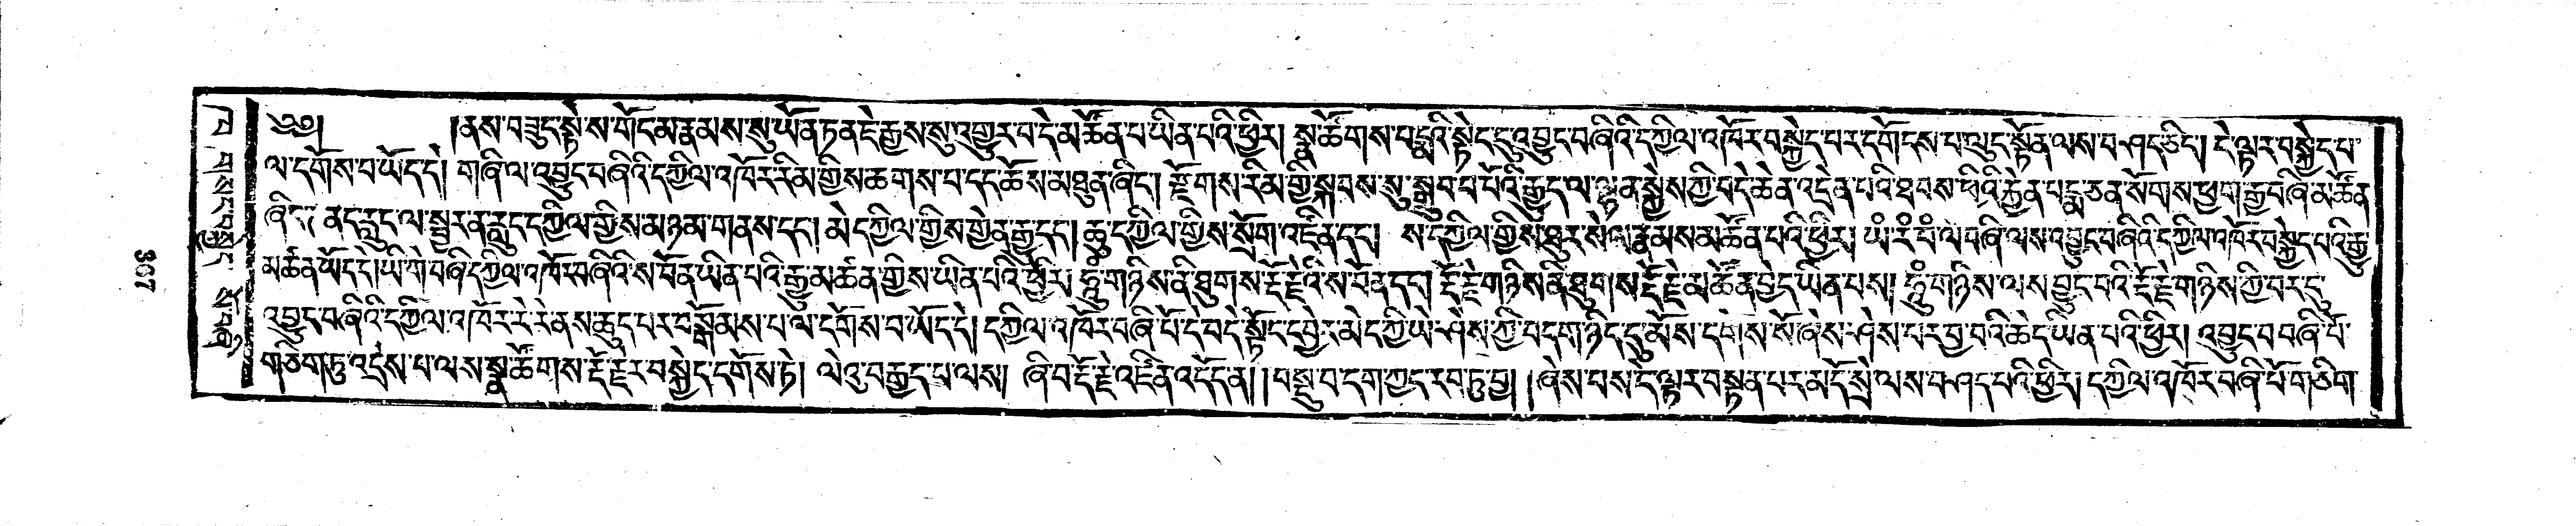༄༅། །ནས་བཟུང་སྟེ་ས་གོང་མ་རྣམས་སུ་ཡོན་ཏན་ཇེ་རྒྱས་སུ་འགྱུར་བ་དེ་མཚོན་པ་ཡིན་པའི་ཕྱིར། སྣ་ཚོགས་པདམའི་སྟེང་དུ་འབྱུང་བཞིའི་དཀྱིལ་འཁོར་བསྐྱེད་པར་དགོངས་པ་ལུང་སྟོན་ལས་བཤད་ཅིང་། དེ་ལྟར་བསྐྱེད་པ་
ལ་དགོས་པ་ཡོད་དེ། གཞི་ལ་འབྱུང་བཞིའི་དཀྱིལ་འཁོར་རིམ་གྱིས་ཆགས་པ་དང་ཆོས་མཐུན་ཞིང་། རྫོགས་རིམ་གྱི་སྐབས་སུ་སྒྲུབ་པ་པོའི་རྒྱུད་ལ་ལྷན་སྐྱེས་ཀྱི་བདེ་ཆེན་འདྲེན་པའི་ཐབས་ཕྱིའི་རྐྱེན་པདམ་ཅན་སོགས་ཕྱག་རྒྱ་བཞི་མཚོན་
ཞིང༑ ནང་རླུང་ལ་སྦྱར་ན་རླུང་དཀྱིལ་གྱིས་མཉམ་གནས་དང་། མེད་དཀྱིལ་གྱིས་གྱོན་རྒྱུ་དང་། ཆུ་དཀྱིལ་གྱིས་སྲོག་འཛིན་དང་། ས་དཀྱིལ་གྱིས་ཐུར་སེལ་རྣམས་མཚོན་པའི་ཕྱིར། ཡཾ་རཾ་པཾ་ལཾ་བཞི་ལས་འབྱུང་བཞིའི་དཀྱིལ་འཁོར་བསྐྱེད་པའི་རྒྱུ་
མཚན་ཡོད་དེ། ཡི་གེ་བཞི་དཀྱིལ་འཁོར་བཞིའི་ས་བོན་ཡིན་པའི་རྒྱུ་མཚན་གྱིས་ཡིན་པའི་ཕྱིར། ཧཱུཾ་གཉིས་ནི་ཐུགས་རྡོ་རྗེའི་ས་བོན་དང་། རྡོ་རྗེ་གཉིས་ནི་ཐུགས་རྡོ་རྗེ་མཚོན་བྱེད་ཡིན་པས། ཧཱུཾ་གཉིས་ལས་བྱུང་བའི་རྡོ་རྗེ་གཉིས་ཀྱི་བར་དུ་
འབྱུང་བཞིའི་དཀྱིལ་འཁོར་རེ་རེ་ནས་ཆུད་པར་བསྒོམས་པ་ལ་དགོས་པ་ཡོད་དེ། དཀྱིལ་འཁོར་བཞི་པོ་དེ་བདེ་སྟོང་དབྱེར་མེད་ཀྱི་ཡེ་ཤེས་ཀྱི་བདག་ཉིད་དུ་མོས་དགོས་སོ་ཞེས་ཤེས་པར་བྱ་བའི་ཆེད་ཡིན་པའི་ཕྱིར། འབྱུང་བ་བཞི་པོ་
གཅིག་ཏུ་འདྲེས་པ་ལས་སྣ་ཚོགས་རྡོ་རྗེར་བསྐྱེད་དགོས་ཏེ། ལེའུ་བརྒྱད་པ་ལས། ཞི་བ་རྡོ་རྗེ་འཛིན་འདོད་ན། །བསྡུ་བ་དག་ཀྱང་རབ་ཏུ་བྱ། །ཞེས་པས་དེ་ལྟར་བསྟན་པར་མདོ་སྲེ་ལས་བཤད་པའི་ཕྱིར། དཀྱིལ་འཁོར་བཞི་པོ་གཅིག་